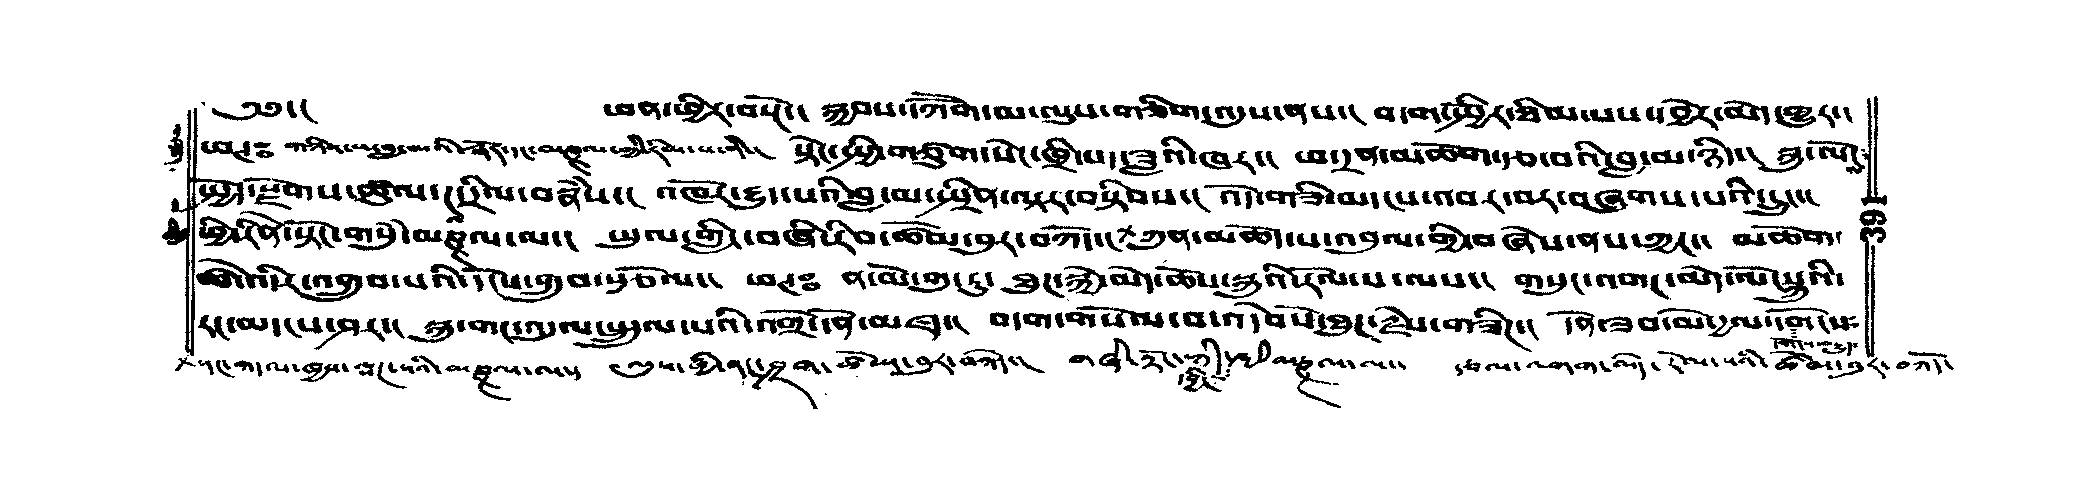སྟེང་སྤྱི་གཙུག་སེང་ཁྲི་པད་ཟླའི་ཁར། །ཕ་དྲན་མཆོག་རྩ་བའི་བླ་མ་ཉིད། །སྐུ་ལོངས་
སྤྱོད་རྫོགས་ཚུལ་ཌཱ་དྲིལ་བསྣམས། །འཁོར་རྒྱུད་པའི་བླ་མ་སྤྲིན་ལྟར་བསྟིབས། །འོད་གཟི་མདངས་འབར་བར་བཞུགས་པའི་དྲུང་། །
ཕྱི་རིན་ཆེན་སྟོང་གསུམ་མཎྜལ་མ། །ཡུལ་གླིང་བཞི་རི་རབ་ཚོམ་བུར་བཀོད། །ནང་གདལ་ཁྱབ་ལྤགས་པའི་མཎྜལ་ལ། །ལུས་ཕྱི་ནང་ཤ་ཁྲག་ཚོམ་བུར་བཀོད། །གཞི་སྟོང་ཉིད་དབྱིངས་ཀྱི་མཎྜལ་ལ། །རྩལ་འགག་མེད་རོལ་པའི་ཚོམ་བུར་བཀོད། །ཀུན་མཆོད་པ་འབུལ་གྱི་བཞེས་ནས་ཀྱང་། །མཆོག་
ཚེ་འདིར་འགྲུབ་པའི་དངོས་གྲུབ་སྩོལ། །ཕཊཿན་མོ་གུ་རུ། ཐུགས་བསྐྱེད་མེད་ཆོས་སྐུའི་རོལ་པ་ལས། །གསུང་འགགས་མེད་ལོངས་སྐུའི་
རང་མདངས་ཤར། །སྐུ་གང་འདུལ་སྤྲུལ་པའི་འགྲོ་དོན་མཛད། །བདག་གསོལ་བ་འདེབས་སོ་ཐུགས་རྗེ་གཟིགས། །དོན་ཟབ་མོ་རྒྱལ་དགོངས་རྒྱུད་དགོངས་